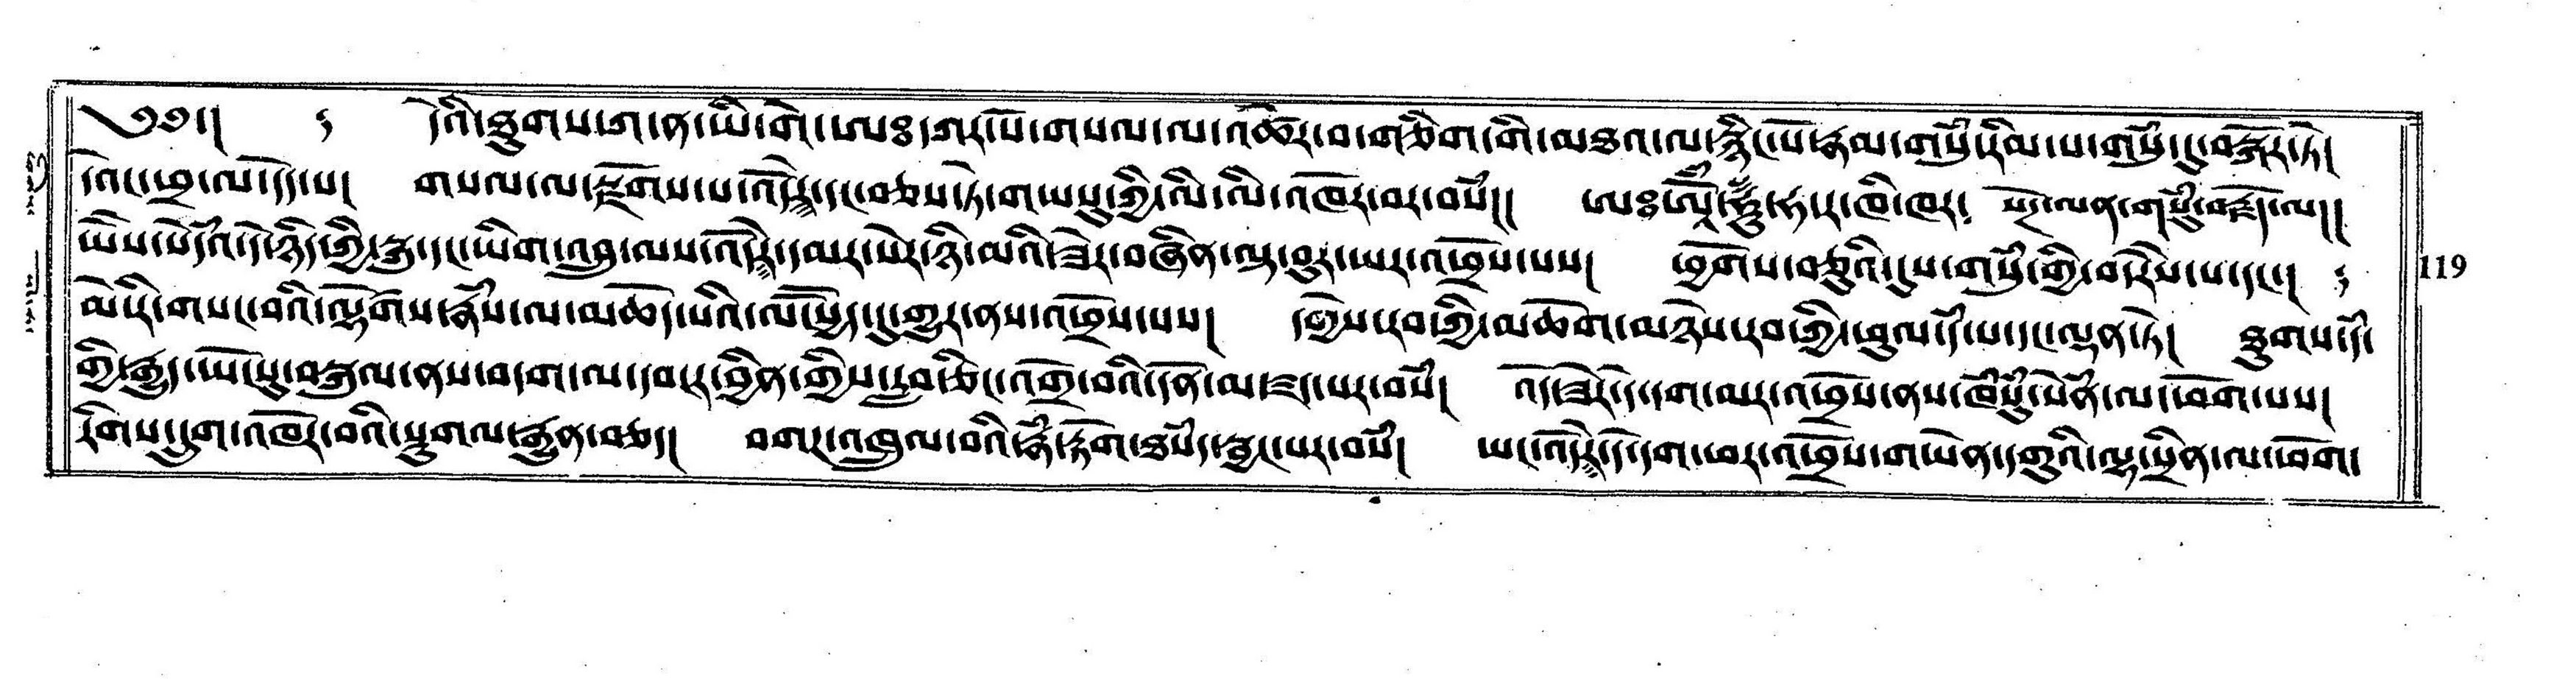དེའི་ཐུགས་ཀ་ན་ཡི་གེ་ཨཿདཀར་པོ་གསལ་ལ་འཚེར་བ་གཅིག་གི་མཐའ་ལ་སྙིང་པོ་རྣམ་གསུམ་རིམ་པ་གསུམ་དུ་བསྐོར་ཏེ། 
དེའང་ཕྲ་ལ་དོད་པ། གསལ་ལ་རྫོགས་པ་འོད་ཟེར་དང་བཅས་ཏེ་གཡས་སུ་ཀྱི་ལི་ལི་འཁོར་བར་བསམ།། ཨཿཨཱོཾ་ཧཱུྃ་ཧ་ར་ཁི་ཁར། སོགས་ལན་གསུམ་བརྗོད་ལ།། 
ཡེ་ཤེས་སེམས་དཔའ་དེ་ཉིད་ཀྱི་སྐུ་དང་ཡིག་འབྲུ་ལས་འོད་ཟེར་དམར་སེར་ཉི་མའི་ཟེར་ལྟ་བུར་ཡར་འཕྲོས་པས། ཕྱོགས་བཅུའི་དུས་གསུམ་གྱི་བདེར་གཤེགས་པ་དང་། 
མེ་རི་གསང་བའི་ལྷ་ཚོགས་རྣམས་ལ་མཆོད་པའི་ལོངས་སྤྱོད་དུ་གྱུར་ནས་འཕྲོས་པས། དགྱེས་རབ་ཀྱི་མཆོག་མཉེས་རབ་ཀྱི་ཕུལ་དམ་པ་དང་ལྡན་ཏེ། ཐུགས་དམ་
གྱི་རྒྱུད་ཡོངས་སུ་བསྐུལ་ནས་བདག་ལ་དབང་བསྐུར་བྱིན་གྱིས་བརླབ་ཅིང་འགྲོ་བའི་དོན་མཛད་པར་བསམ། འོད་ཟེར་དེ་དག་མར་འཕྲོས་ནས་ཁམས་གསུམ་སེམས་ཅན་ལ་ཕོག་པས། 
རིགས་དྲུག་འཁོར་བའི་སྡུག་བསྔལ་རྒྱུན་བཅད། བག་ཆགས་འཁྲུལ་བའི་རྣམ་རྟོག་ཐམས་ཅད་སྦྱང་པར་བསམ། ཡང་འོད་ཟེར་དེ་དག་ཕར་འཕྲོས་གཡེན་དགུའི་ལྷ་སྲིན་ལ་ཕོག་